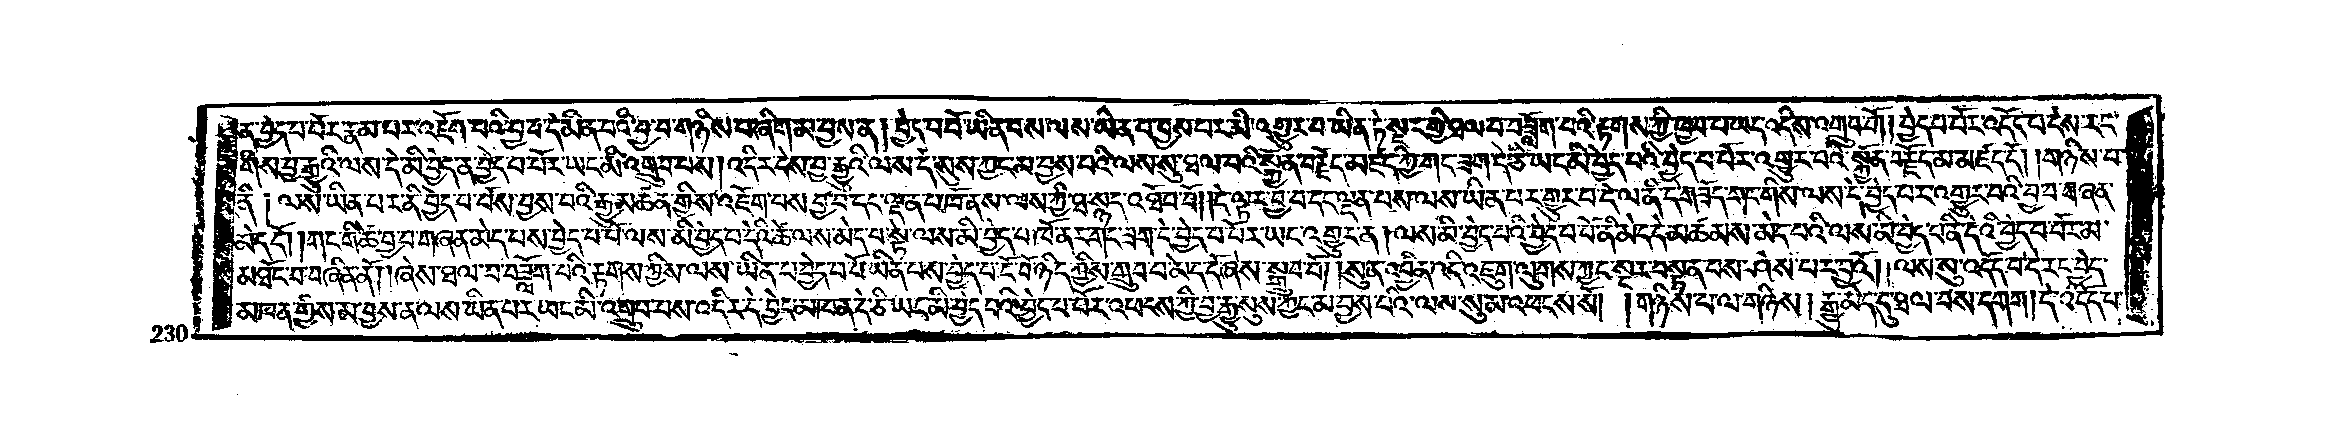ན་བྱེད་པ་པོར་རྣམ་པར་འཇོག་པའི་བྱ་བ་དེ་མིན་པའི་བྱ་བ་གཉིས་པ་ཞིག་མ་བྱས་ན། བྱེད་པ་པོ་ཡིན་པས་ལས་ཡིན་པ་བྱས་པར་མི་འགྱུར་བ་ཡིན་ཏེ་སྔར་གྱི་ཐལ་བ་བཟློག་པའི་རྟགས་ཀྱི་ཁྱབ་པ་ཡང་འདིས་འགྲུབ་བོ། །བྱེད་པ་པོར་འདོད་པ་ངེས་རང་
གིས་བྱ་རྒྱུའི་ལས་དེ་མི་བྱེད་ན་བྱེད་པ་པོར་ཡང་མི་འགྲུབ་པས། འདིར་དེས་བྱ་རྒྱུའི་ལས་དེ་སུས་ཀྱང་མ་བྱས་པའི་ལས་སུ་ཐལ་བའི་སྐྱོན་བརྗོད་མཛད་ཀྱི་གང་ཟག་ད་ཅི་ཡང་མི་བྱེད་པའི་བྱེད་པ་པོར་འགྱུར་བའི་སྐྱོན་བརྗོད་མ་མཛད་དོ། །གཉིས་པ་
ནི། ལས་ཡིན་པར་ནི་བྱེད་པ་པོས་བྱས་པའི་རྒྱུ་མཚན་ཀྱིས་འཇོག་པས་བྱ་བ་དང་ལྡན་པ་ཁོ་ནས་ལས་ཀྱི་ཐ་སྙད་འཐོབ་བོ། །དེ་ལྟར་བྱ་བ་དང་ལྡན་པས་ལས་ཡིན་པར་གྱུར་པ་དེ་ལ་ནི་ད་གཟོད་གང་གིས་ལས་དེ་བྱེད་པར་འགྱུར་བའི་བྱ་བ་གཞན་
མེད་དོ། །གང་གི་ཚེ་བྱ་བ་གཞན་མེད་པས་བྱེད་པ་པོ་ལས་མི་བྱེད་པ་དེའི་ཚེ་ལས་མེད་པ་སྟེ་ལས་མི་བྱེད་པ་ཁོ་ནར་གང་ཟག་དེ་བྱེད་པ་པོར་ཡང་འགྱུར་ན། ལས་མི་བྱེད་པའི་བྱེད་པ་པོ་ནི་མེད་དེ་མཚམས་མེད་པའི་ལས་མི་བྱེད་པ་ནི་དེའི་བྱེད་པ་པོར་མ་
མཐོང་བ་བཞིན་ནོ། །ཞེས་ཐལ་བ་བཟློག་པའི་རྟགས་ཀྱིས་ལས་ཡིན་པ་བྱེད་པ་པོ་ཡིན་པ་བྱེད་པ་ངོ་བོ་ཉིད་ཀྱིས་གྲུབ་པ་མེད་དོ་ཞེས་སྒྲུབ་བོ། །སུན་འབྱིན་འདི་འཇུག་ལུགས་ཀྱང་སྔར་བསྟན་པས་ཤེས་པར་བྱའོ། །ལས་སུ་འདོད་པ་དེ་རང་བྱེད་
མཁན་གྱིས་མ་བྱས་ན་ལས་ཡིན་པར་ཡང་མི་འགྲུབ་པས་འདིར་དེ་བྱེད་མཁན་དེ་ཅི་ཡང་མི་བྱེད་པའི་བྱེད་པ་པོར་འཕངས་ཀྱི་བྱ་རྒྱུ་སུས་ཀྱང་མ་བྱས་པའི་ལས་སུ་མ་འཕངས་སོ། །གཉིས་པ་ལ་གཉིས། རྒྱུ་མེད་དུ་ཐལ་བས་དགག །དེ་འདོད་པ་